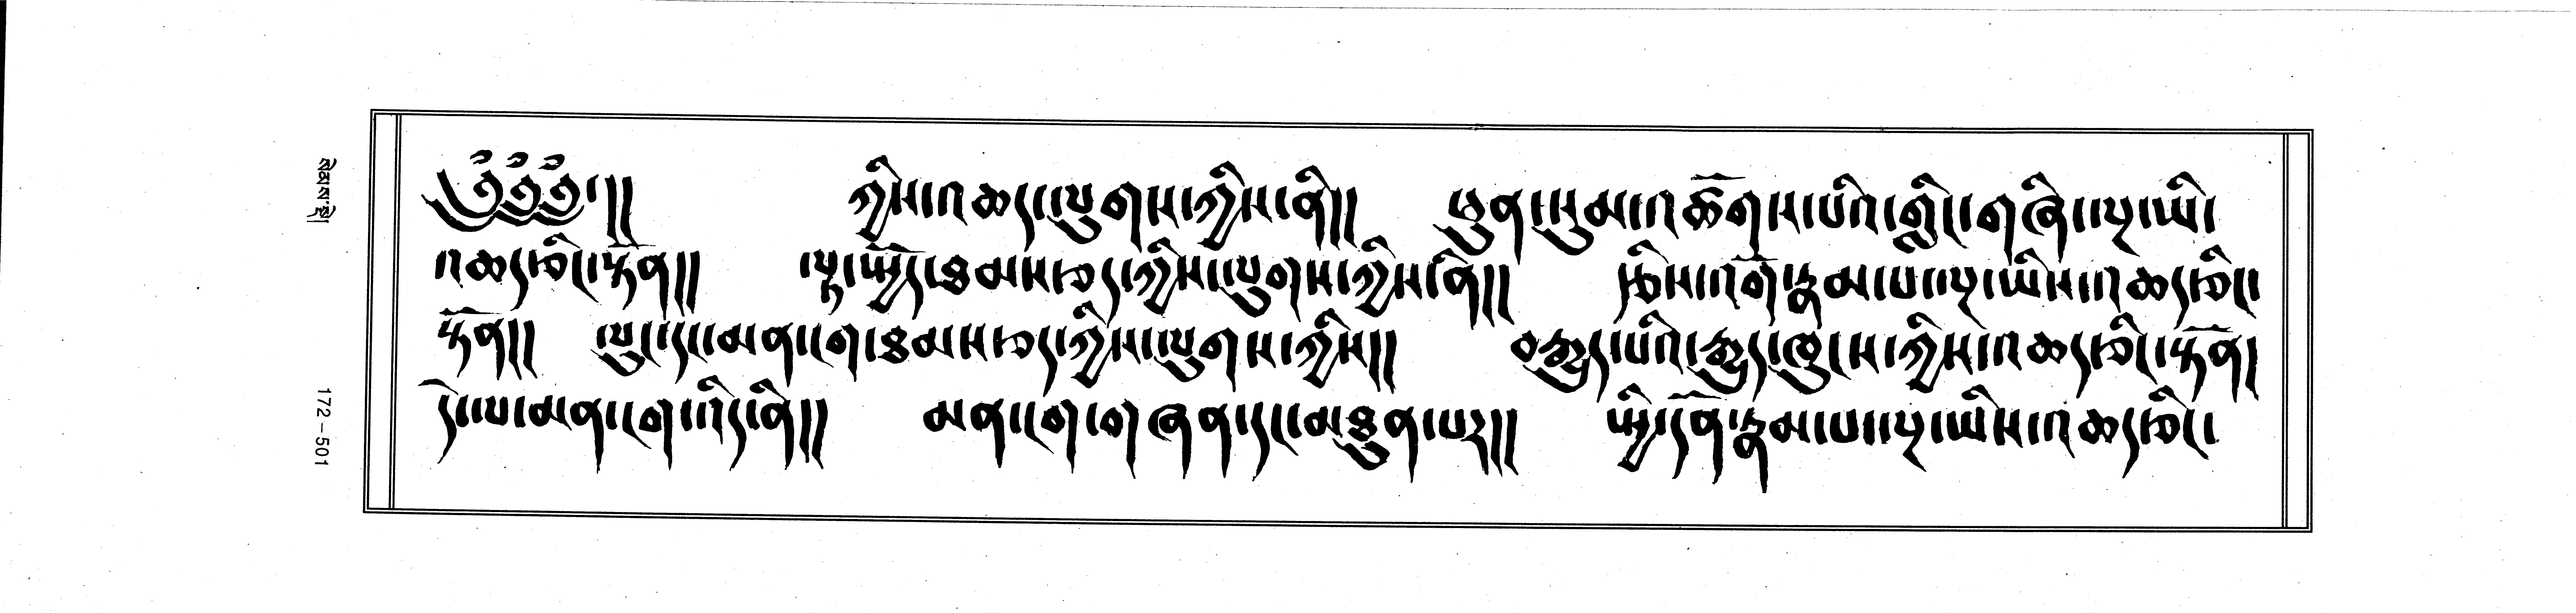ཀྱིས་འཆད་ལུགས་ཀྱིས་ནི། ཕུན་སུམ་འཚོགས་པའི་གླིང་གཞི་ལྔ་ཡི་
འཆད་ཅིང་སྟོན། ལྟ་སྤྱོད་ཐམས་ཅད་ཀྱིས་ལུགས་ཀྱིས་ནི། རྩིས་འགོ་རྣམ་པ་ལྔ་ཡིས་འཆད་ཅིང་
སྟོན། ལུང་དང་མན་ངག་ཐམས་ཅད་ཀྱིས་ལུགས་ཀྱིས། བརྒྱུད་པའི་རྒྱུད་ཁུངས་ཀྱིས་འཆད་ཅིང་སྟོན། 
དེ་ལ་མན་ངག་འདི་ནི། མན་ངག་གཞན་དང་མཐུན་པར། སྤྱི་དོན་རྣམ་པ་ལྔ་ཡིས་འཆད་ཅིང་